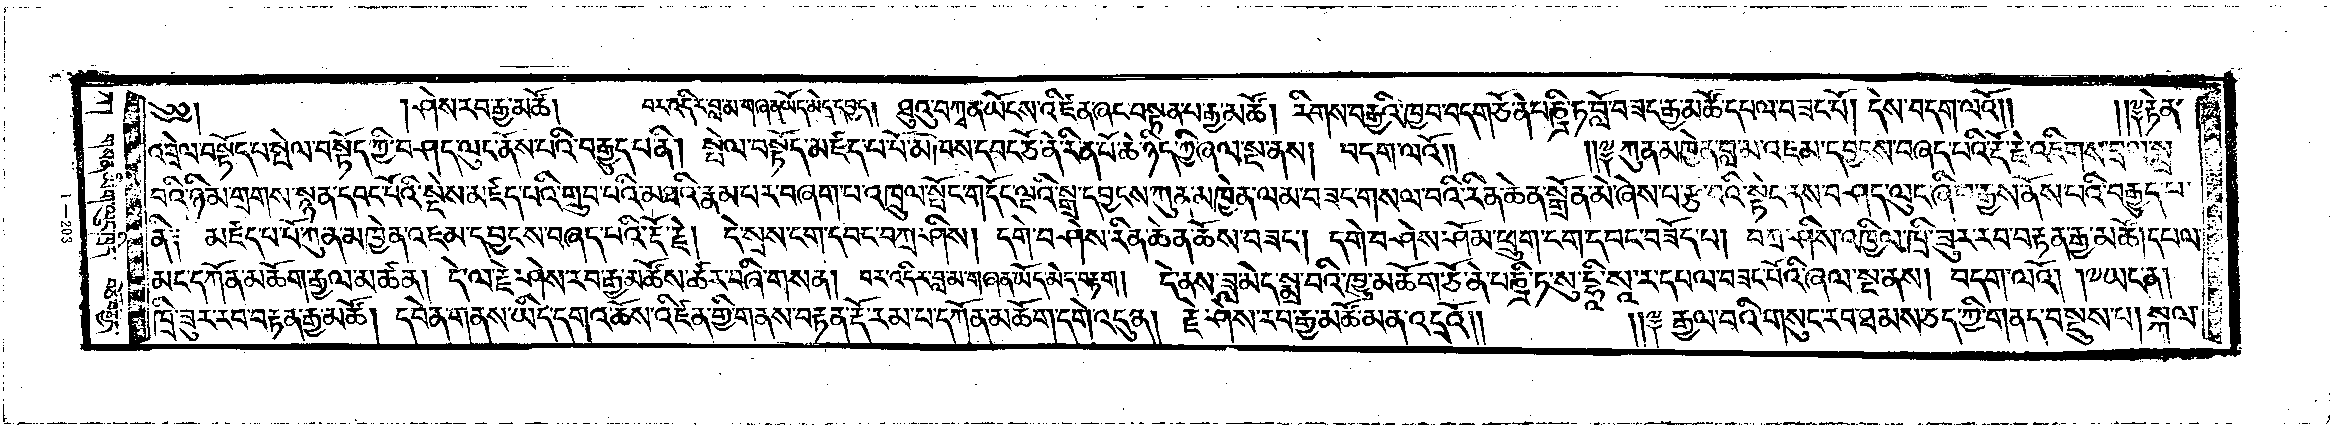༄༅། །ཤེས་རབ་རྒྱ་མཚོ། བར་འདིར་བླ་མ་གཞན་ཡོད་མེད་དབྱད།  ཐུའུ་བཀྭན་ཡོངས་འཛིན་ཞང་བསྟན་པ་རྒྱ་མཚོ། རིགས་བརྒྱའི་ཁྱབ་བདག་ཅོ་ནེ་པཎྜི་ཏ་བློ་བཟང་རྒྱ་མཚོ་དཔལ་བཟང་པོ། དེས་བདག་ལའོ།། །།འ་རྟེན་
འབྲེལ་བསྟོད་པ་སྤེལ་བསྟོད་ཀྱི་བཤད་ལུང་ནོས་པའི་བརྒྱུད་པ་ནི། སྤེལ་བསྟོད་མཛད་པ་པོ་མཁས་དབང་ཅོ་ནེ་རིན་པོ་ཆེ་ཉིད་ཀྱི་ཞལ་སྔ་ནས། བདག་ལའོ།། །། འ་ཀུན་མཁྱེན་བླ་མ་འཇམ་དབྱངས་བཞད་པའི་རྡོ་རྗེ་འཇིགས་བྲལ་སྨྲ་
བའི་ཉི་མ་གྲགས་སྙན་དབང་པོའི་སྡེས་མཛད་པའི་གྲུབ་པའི་མཐའི་རྣམ་པར་བཞག་པ་འཁྲུལ་སྤོང་གདོང་ལྔའི་སྒྲ་དབྱངས་ཀུན་མཁྱེན་ལམ་བཟང་གསལ་བའི་རིན་ཆེན་སྒྲོན་མེ་ཞེས་པ་རྩ་བའི་སྟེང་ནས་བཤད་ལུང་ཞིབ་རྒྱས་ནོས་པའི་བརྒྱུད་པ་
ནི༑ མཛད་པ་པོ་ཀུན་མཁྱེན་འཇམ་དབྱངས་བཞད་པའི་རྡོ་རྗེ། དེ་སྲས་ངག་དབང་བཀྲ་ཤིས། དགེ་བཤེས་རིན་ཆེན་ཆོས་བཟང་། དགེ་བཤེས་ཤོ་མ་ཕྲུག་ངག་དབང་བཟོད་པ། བཀྲ་ཤིས་འཁྱིལ་ཁྲི་ཟུར་རབ་བརྟན་རྒྱ་མཚོ། དཔལ་
མང་དཀོན་མཆོག་རྒྱལ་མཚན། དེ་ལ་རྗེ་ཤེས་རབ་རྒྱ་མཚོས་ཚར་བཞི་གསན། བར་འདིར་བླ་མ་གཞན་ཡོད་མེད་བརྟག།  དེ་ནས་ཟླ་མེད་སྨྲ་བའི་ཁྱུ་མཆོག་ཅོ་ནེ་པཎྜི་ཏ་སུ་དྷཱི་སཱ་ར་དཔལ་བཟང་པོའི་ཞལ་སྔ་ནས། བདག་ལའོ། །༧ཡང་ན།
ཁྲི་ཟུར་རབ་བརྟན་རྒྱ་མཚོ། དབེན་གནས་ཡིད་དགའ་ཆོས་འཛིན་གྱི་གནས་བརྟན་རྡོ་རམ་པ་དཀོན་མཆོག་དགེ་འདུན། རྗེ་ཤེས་རབ་རྒྱ་མཚོ་མན་འདྲའོ།། །། འ་རྒྱལ་བའི་གསུང་རབ་ཐམས་ཅད་ཀྱི་གནད་བསྡུས་པ། སྐལ་